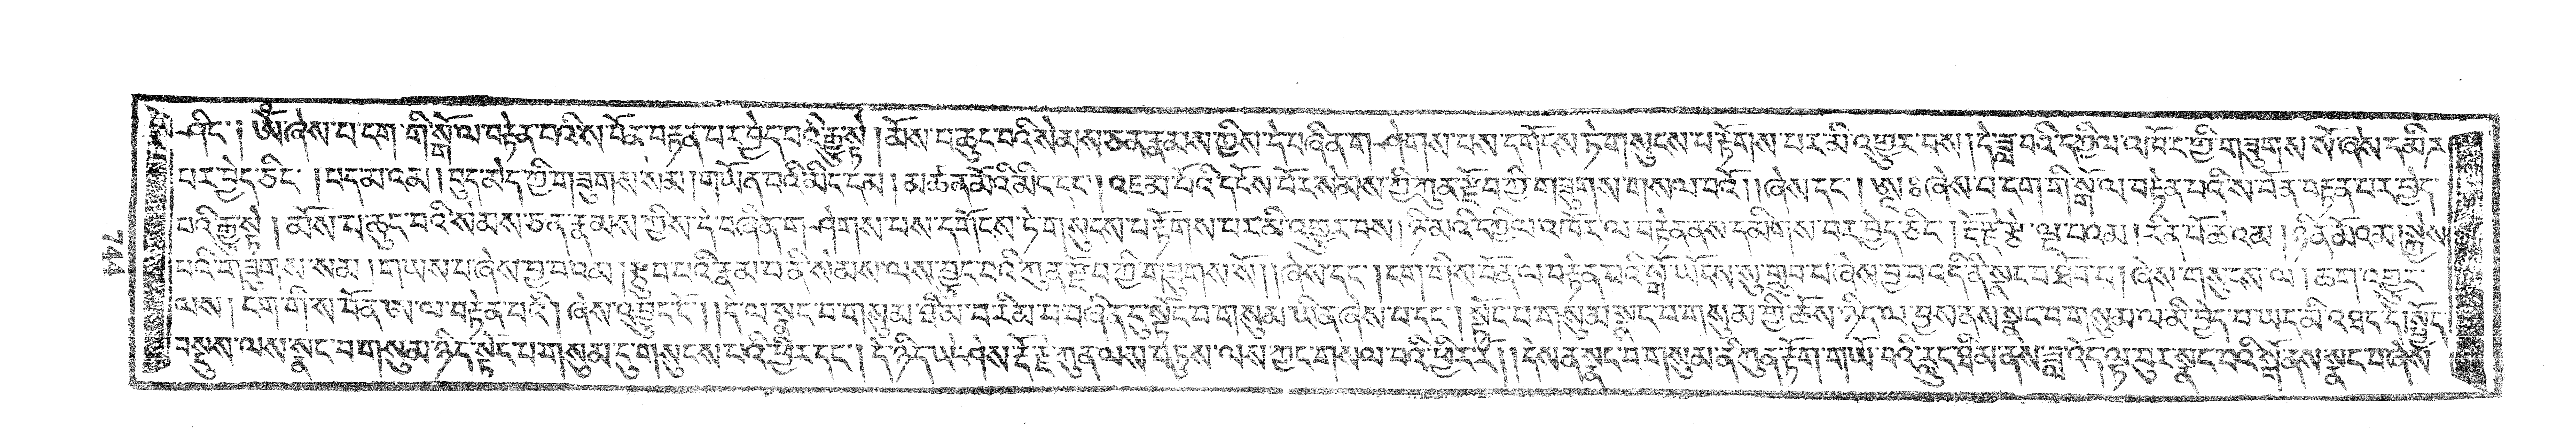ཤིང་། ཨོཾ་ཞེས་པ་དག་གི་སྒོ་ལ་བརྟེན་པའི་ས་བོན་བརྟན་པར་བྱེད་པའི་རྒྱུ་སྟེ། མོས་པ་ཆུང་བའི་སེམས་ཅན་རྣམས་ཀྱིས་དེ་བཞིན་གཤེགས་པས་དགོངས་ཏེ་གསུངས་པ་རྟོགས་པར་མི་འགྱུར་བས། དེ་ཟླ་བའི་དཀྱིལ་འཁོར་གྱི་གཟུགས་སོ་ཞེས་དམིགས་
པར་བྱེད་ཅིང་། པད་མའམ། བུད་མེད་ཀྱི་གཟུགས་སམ། གཡོན་པའི་མིང་དམ། མཚན་མོའི་མིང་དང་། འཇམ་པོའི་དངོས་པོར་སེམས་ཀྱི་ཀུན་རྫོབ་ཀྱི་གཟུགས་གསལ་བའོ། །ཞེས་དང་། ཨཱཿ ཞེས་པ་ངག་གི་སྒོ་ལ་བརྟེན་པའི་ས་བོན་བརྟན་པར་བྱེད་
པའི་རྒྱུ་སྟེ། མོས་པ་ཆུང་བའི་སེམས་ཅན་རྣམས་ཀྱིས་དེ་བཞིན་གཤེགས་པས་དགོངས་ཏེ་གསུངས་པ་རྟོགས་པར་མི་འགྱུར་བས། ཉི་མའི་དཀྱིལ་འཁོར་ལ་བརྟན་ནས་དམིགས་པར་བྱེད་ཅིང་། རྡོ་རྗེ་རྩེ་ལྔ་པའམ། རིན་པོ་ཆེ་འམ། ཉིན་མོའམ། སྐྱེས་
པའི་གཟུགས་སམ། གཡས་པ་ཞེས་བྱ་བའམ། རྩུབ་པའི་རྣམ་པ་ནི་སེམས་ལས་བྱུང་བའི་ཀུན་རྫོབ་ཀྱི་གཟུགས་སོ། །ཞེས་དང་།ངག་གི་ས་བོན་ལ་བརྟེན་པའི་སྒོ་ཡོངས་སུ་གྲུབ་པ་ཞེས་བྱ་བ་འདི་ནི་སྣང་བ་ཐོབ་པ། ཞེས་གསུངས་ལ། ཆག་འགྱུར་
ལས། ངག་གི་ས་བོན་ཨ་ལ་བརྟེན་པའི། ཞེས་འབྱུང་ངོ། །དེ་ལ་སྣང་བ་གསུམ་ཐིམ་པ་རིམ་པ་བཞིན་དུ་སྟོང་པ་གསུམ་ཡིན་ཞེས་པ་དང་། སྟོང་པ་གསུམ་སྣང་བ་གསུམ་གྱི་ཆོས་ཉིད་ལ་བྱས་ནས་སྣང་བ་གསུམ་ལ་མི་བྱེད་པ་ཡང་མི་འཐད་དེ། སྤྱོད་
བསྡུས་ལས་སྣང་བ་གསུམ་ཉིད་སྟོང་པ་གསུམ་དུ་གསུངས་པའི་ཕྱིར་དང་། དེ་ཉིད་ཡེ་ཤས་རྡོ་རྗེ་ཀུན་ལས་བཏུས་ལས་ཀྱང་གསལ་བའི་ཕྱིར་རོ། །དེས་ན་སྣང་བ་གསུམ་ནི་ཀུན་རྟོག་གཡོ་བའི་རླུང་ཐིམ་ནས་ཟླ་འོད་ལྟ་བུར་སྣང་བའི་སྒོ་ནས་སྣང་བ་ཞེས་